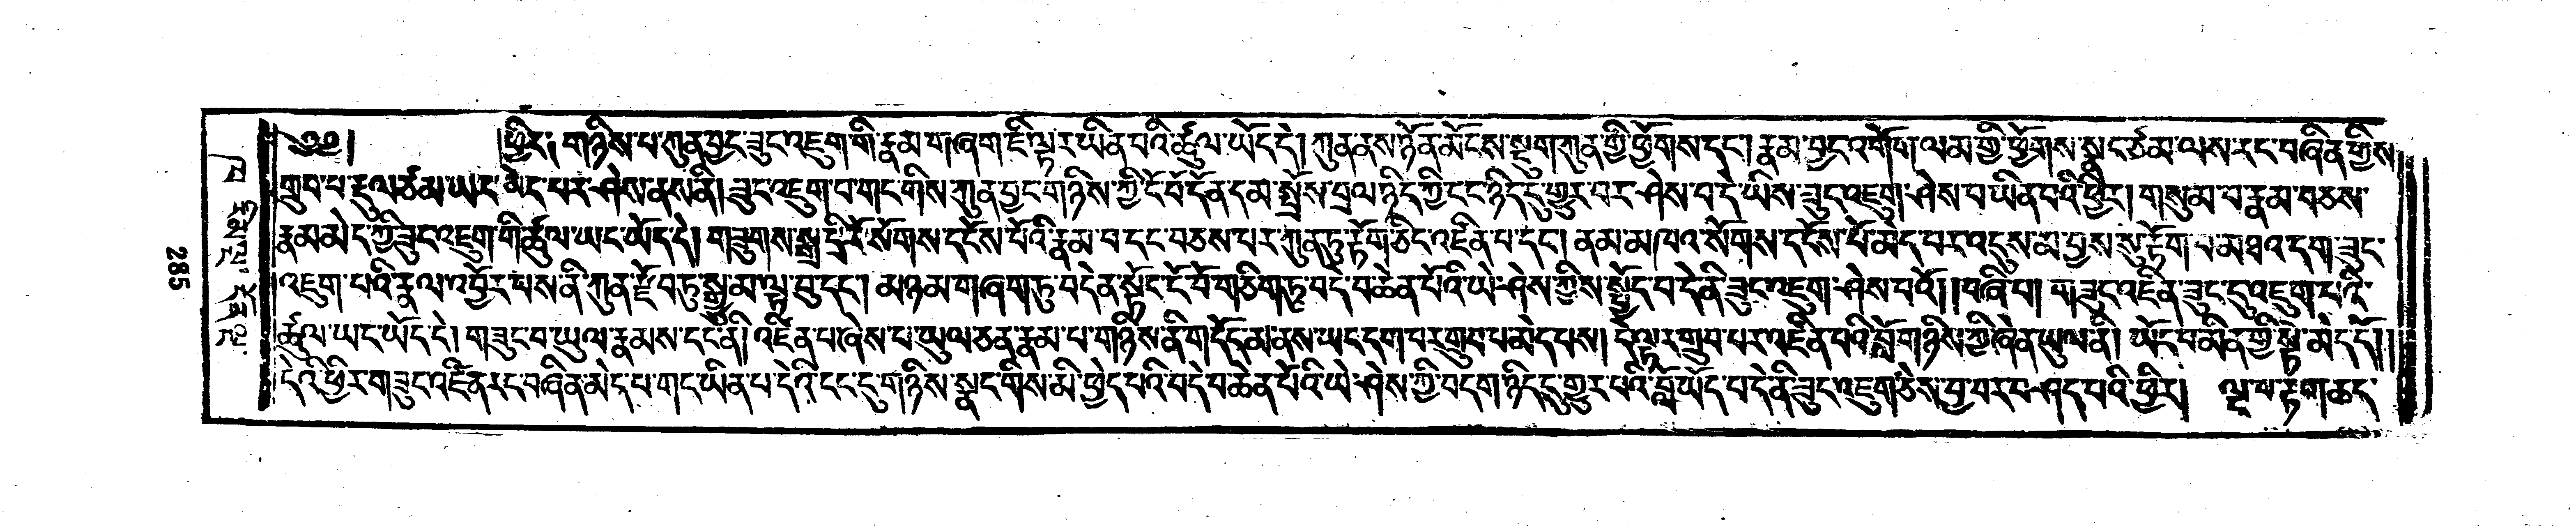༄༅། །ཕྱིར། གཉིས་པ་ཀུན་བྱང་ཟུང་འཇུག་གི་རྣམ་གཞག་ཇི་ལྟར་ཡིན་པའི་ཚུལ་ཡོད་དེ། ཀུན་ནས་ཉོན་མོངས་སྡུག་ཀུན་གྱི་ཕྱོགས་དང་། རྣམ་བྱང་འགོག་ལམ་གྱི་ཕྱོགས་སྣང་ཙམ་ལས་རང་བཞིན་གྱིས་
གྲུབ་པ་རྡུལ་ཙམ་ཡང་མེད་པར་ཤེས་ནས་ནི། ཟུང་འཇུག་པ་གང་གིས་ཀུན་བྱང་གཉིས་ཀྱི་ངོ་བོ་དོན་དམ་སྤྲོས་བྲལ་ཉིད་ཀྱི་ངང་ཉིད་དུ་གྱུར་པར་ཤེས་པ་དེ་ཡིས་ཟུང་འཇུག་ཤེས་པ་ཡིན་པའི་ཕྱིར། གསུམ་པ་རྣམ་བཅས་
རྣམ་མེད་ཀྱི་ཟུང་འཇུག་གི་ཚུལ་ཡང་ཡོད་དེ། གཟུགས་སྒྲ་དྲི་རོ་སོགས་དངོས་པོའི་རྣམ་པ་དང་བཅས་པར་ཀུན་ཏུ་རྟོག་ཅིང་འཛིན་པ་དང་། ནམ་མཁའ་སོགས་དངོས་པོ་མེད་པར་འདུས་མ་བྱས་སུ་རྟོག་པ་མཐའ་དག་ཟུང་
འཇུག་པའི་རྣལ་འབྱོར་པས་ནི་ཀུན་རྫོབ་ཏུ་སྒྱུ་མ་ལྟ་བུ་དང་། མཉམ་གཞག་ཏུ་བདེན་སྟོང་ངོ་བོ་གཅིག་ཏུ་བདེ་བ་ཆེན་པོའི་ཡེ་ཤེས་ཀྱིས་སྤྱོད་པ་དེ་ནི་ཟུང་འཇུག་ཤེས་པའོ། །བཞི་པ། གཟུང་འཛིན་ཟུང་དུ་འཇུག་པའི་
ཚུལ་ཡང་ཡོད་དེ། གཟུང་བ་ཡུལ་རྣམས་དང་ནི། །འཛིན་པ་ཞེས་པ་ཡུལ་ཅན་རྣམ་པ་གཉིས་ནི་གདོད་མ་ནས་ཡང་དག་པར་གྲུབ་པ་མེད་པས། དེ་ལྟར་གྲུབ་པར་འཛིན་པའི་བློ་གཉིས་ཀྱི་ཞེན་ཡུལ་ནི། ཡོད་པ་མིན་གྱི་སྟེ་མེད་དོ། །
དེའི་ཕྱིར་གཟུང་འཛིན་རང་བཞིན་མེད་པ་གང་ཡིན་པ་དེའི་ངང་དུ་གཉིས་སྣང་གིས་མི་ཕྱེད་པའི་བདེ་བ་ཆེན་པོའི་ཡེ་ཤེས་ཀྱི་བདག་ཉིད་དུ་གྱུར་པའི་བློ་ཡོད་པ་དེ་ནི་ཟུང་འཇུག་ཅེས་བྱ་བར་བཤད་པའི་ཕྱིར། ལྔ་པ་རྟག་ཆད་